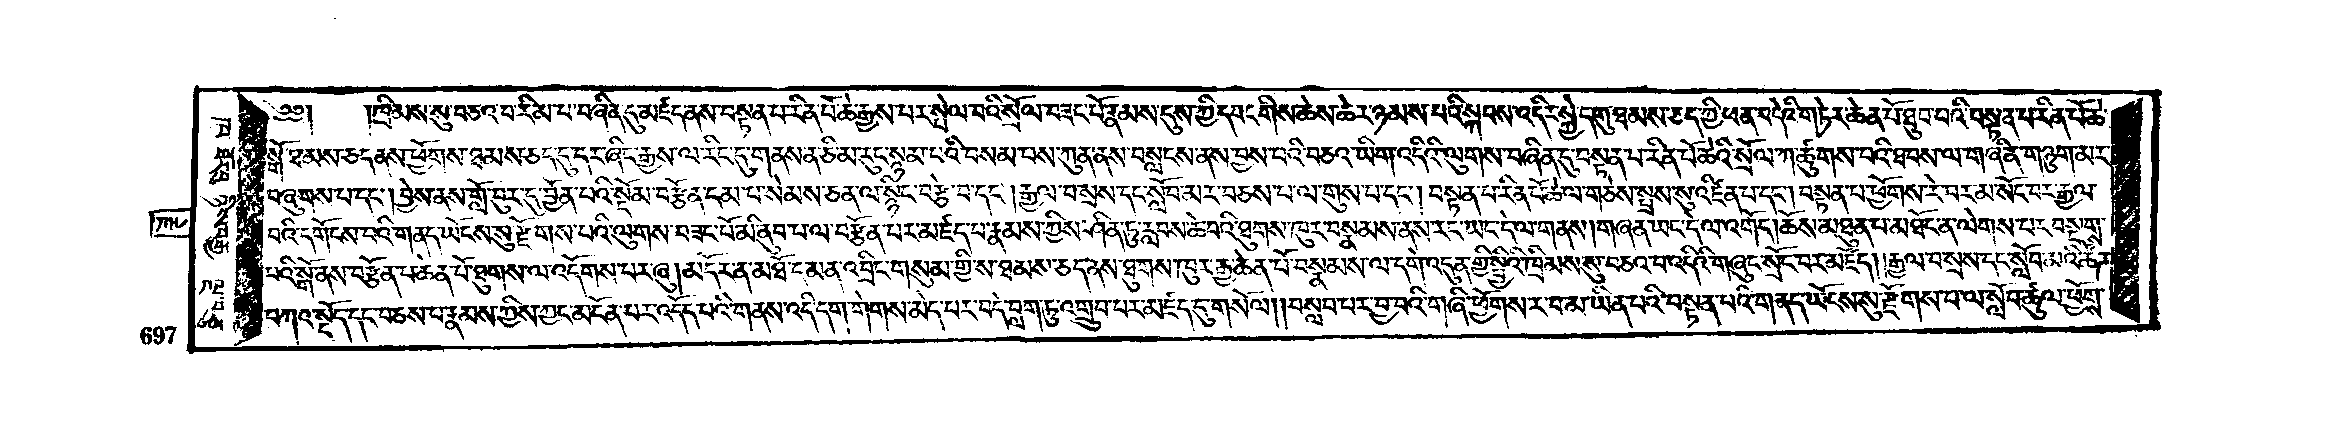༄༅། །ཁྲིམས་སུ་བཅའ་བ་རིམ་པ་བཞིན་དུ་མཛད་ནས་བསྟན་པ་རིན་པོ་ཆེ་རྒྱས་པར་སྤེལ་བའི་སྲོལ་བཟང་པོ་རྣམས་དུས་ཀྱི་དབང་གིས་ཆེས་ཆེར་ཉམས་པའི་སྐབས་འདིར་སྐྱེ་དགུ་ཐམས་ཅད་ཀྱི་ཕན་བདེའི་གཏེར་ཆེན་པོ་ཐུབ་པའི་བསྟན་པ་རིན་པོ་ཆེ་
སྒོ་ཐམས་ཅད་ནས་ཕྱོགས་ཐམས་ཅད་དུ་དར་ཞིང་རྒྱས་ལ་རིང་དུ་གནས་ན་ཅི་མ་རུང་སྙམ་པའི་བསམ་པས་ཀུན་ནས་བསླངས་ནས་བྱས་པའི་བཅའ་ཡིག་འདིའི་ལུགས་བཞིན་དུ་བསྟན་པ་རིན་པོ་ཆེའི་སྲོལ་ཀ་ཚུགས་པའི་ཐབས་ལ་གཞིན་གཉུག་མར་
བཞུགས་པ་དང་། བྱེས་ནས་གློ་བུར་དུ་སྦྱོན་པའི་སྡོམ་བརྩོན་དམ་པ་སེམས་ཅན་ལ་སྙིང་བརྩེ་བ་དང་། རྒྱལ་བ་སྲས་དང་སློབ་མར་བཅས་པ་ལ་གུས་པ་དང་། བསྟན་པ་རིན་པོ་ཆེ་ལ་གཅེས་སྤྲས་སུ་འཛིན་པ་དང་། བསྟན་པ་ཕྱོགས་རེ་བར་མ་སོང་བར་རྒྱལ་
བའི་དགོངས་པའི་གནད་ཡོངས་སུ་རྫོགས་པའི་ལུགས་བཟང་པོ་མི་ནུབ་པ་ལ་བརྩོན་པར་མཛད་པ་རྣམས་ཀྱིས་ཤིན་ཏུ་རླབས་ཆེ་བའི་ཐུགས་ཁུར་བསྣམས་ནས་རང་ཡང་དེ་ལ་གནས། གཞན་ཡང་དེ་ལ་འགོད། ཆོས་མཐུན་པ་མཐོང་ན་ལེགས་པར་བསྔགས་
པའི་སྒོ་ནས་བརྩོན་པ་ཆེན་པོ་ཐུགས་ལ་འདོགས་པར་ཞུ། མདོར་ན་མཐོ་དམན་འབྲིང་གསུམ་གྱི་ས་ཐམས་ཅད་ནས་ཐུགས་ཁུར་རྒྱ་ཆེན་པོ་བསྣམས་ལ་དགེ་འདུན་གྱི་སྤྱིའི་ཁྲིམས་སུ་བཅའ་བ་འདིའི་གཞུང་སྲོང་བར་མཛེད། །རྒྱལ་བ་སྲས་དང་སློབ་མའི་ཚོགས་
བཀའ་སྡོད་དང་བཅས་པ་རྣམས་ཀྱིས་ཀྱང་མངོན་པར་འདོད་པའི་གནས་འདི་དག་གེགས་མེད་པར་བདེ་བླག་ཏུ་འགྲུབ་པར་མཛད་དུ་གསོལ། །བསླབ་པར་བྱ་བའི་གཞི་ཕྱོགས་རེ་བ་མ་ཡིན་པའི་བསྟན་པའི་གནད་ཡོངས་སུ་རྫོགས་པ་ལ་སློབ་ཚུལ་ཕྱོགས་